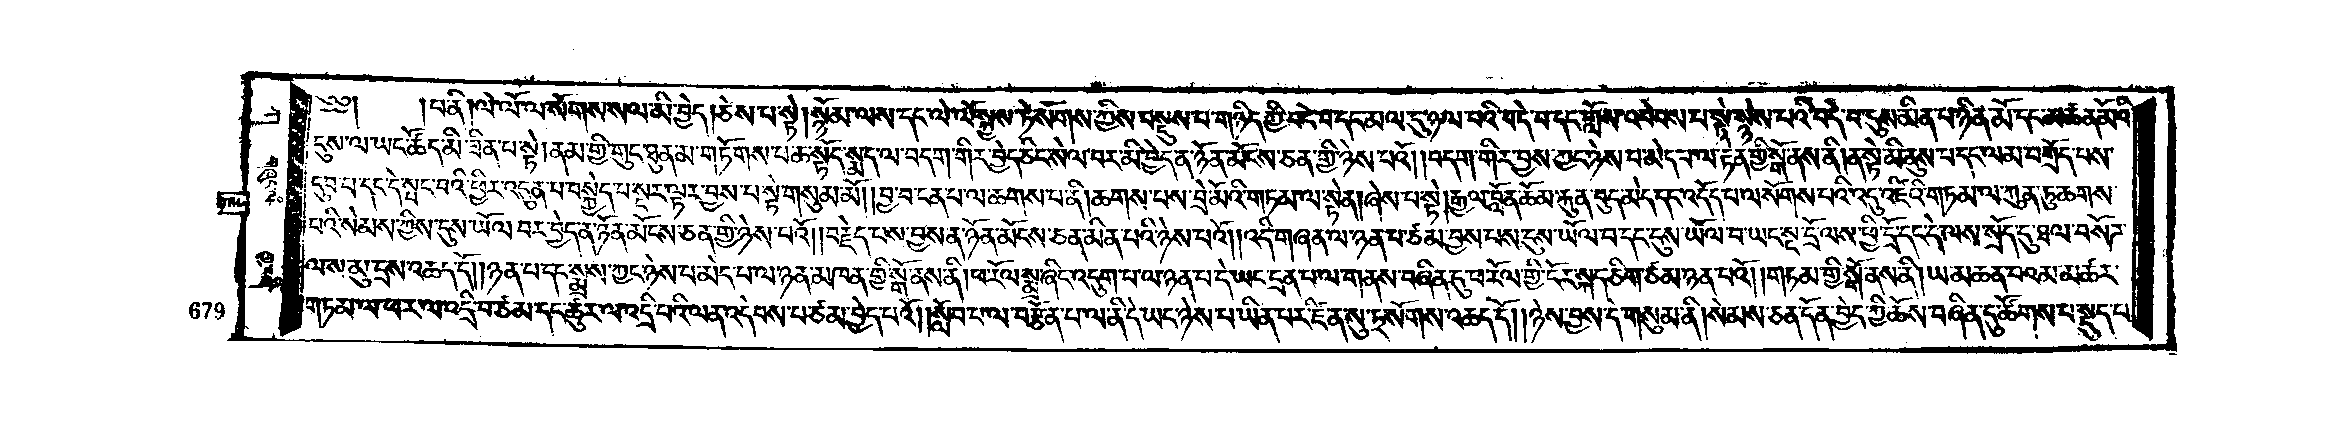༄༅། །པ་ནི། ལེ་ལོ་ལ་སོགས་སལ་མི་བྱེད། ཅེས་པ་སྟེ། སྙོམ་ལས་དང་ལེ་ལོ་སྐྱས་ཏེ་སོགས་ཀྱིས་བསྡུས་པ་གཉིད་ཀྱི་བདེ་བ་དང་མལ་དུ་ཉལ་བའི་བདེ་བ་དང་མལ་དུ་ཉལ་བའི་བདེ་བ་དང་གློས་འབེབས་པ་སྟེ་སྙེས་པའི་བདེ་བ་དུས་མིན་པ་ཉིན་མོ་དང་མཚན་མོའི་
དུས་ལ་ཡང་ཚོད་མི་ཟིན་པ་སྟེ། ནམ་གྱི་གུང་ཐུན་མ་གཏོགས་པ་ཆ་སྟོད་སྨད་ལ་བདག་གིར་བྱེད་ཅིང་སེལ་བར་མི་བྱེད་ན་ཉོན་མོངས་ཅན་གྱི་ཉེས་པའོ། །བདག་གིར་བྱས་ཀྱང་ཉེས་པ་མེད་པ་ལ་རྟེན་གྱི་སྒོ་ནས་ནི། ན་སྟེ་མི་ནུས་པ་དང་ལམ་བགྲོད་པས་
དུབ་པ་དང་དེ་སྤང་བའི་ཕྱིར་འདུན་པ་བསྐྱེད་པ་སྔར་ལྟར་བྱས་པ་སྟེ་གསུམ་མོ། །བྱ་བ་ངན་པ་ལ་ཆགས་པ་ནི། ཆགས་པས་བྲེ་མོའི་གཏམ་ལ་སྟེན། ཞེས་པ་སྟེ། རྒྱལ་བློན་ཆོམ་རྐུན་བུད་མེད་དང་འདོད་པ་ལ་སོགས་པའི་འདུ་འཛིའི་གཏམ་ལ་ཀུན་ཏུ་ཆགས་
པའི་སེམས་ཀྱིས་དུས་ཡོལ་བར་བྱེད་ན་ཉོན་མོངས་ཅན་གྱི་ཉེས་པའོ། །བརྗེད་པས་བྱས་ན་ཉོན་མོངས་ཅན་མིན་པའི་ཉེས་པའོ། །འདི་གཞན་ལ་ཉན་པ་ཙམ་བྱས་པས་དུས་ཡོལ་བ་དང་དུས་ཡོལ་བ་ཡང་སྔ་དྲོ་ལས་ཕྱི་དྲོ་དང་དེ་ལས་སྲོད་དུ་ཐལ་བསོགས་
ལ་ས་མུ་དྲས་འཆད་དོ། །ཉན་པ་དང་སྨྲས་ཀྱང་ཉེས་པ་མེད་པ་ལ་ཉན་མཁན་གྱི་སྒོ་ནས་ནི། ཕ་རོལ་སྨྲ་ཞིང་འདུག་པ་ལ་ཉན་པ་དེ་ཡང་དྲན་པ་ལ་གནས་བཞིན་དུ་ཕ་རོལ་གྱི་ངོར་སྐད་ཅིག་ཙམ་ཉན་པའོ། །གཏམ་གྱི་སྒོ་ནས་ནི། ཡ་མཚན་པའམ་མཚར་
གཏམ་ལ་ཕར་ལ་འདྲི་བ་ཙམ་དང་ཚུར་ལ་འདྲི་པའི་ལན་འདེབས་པ་ཙམ་བྱེད་པའོ། །སློབ་པ་ལ་བརྩོན་པ་ལ་ནི་དེ་ཡང་ཉེས་པ་ཡིན་པར་ཛི་ན་སུ་ཏྲ་སོགས་འཆད་དོ། །ཉེས་བྱས་དེ་གསུམ་ནི། སེམས་ཅན་དོན་བྱེད་ཀྱི་ཆོས་བཞིན་དུ་ཚོགས་པ་སྡུད་པ་